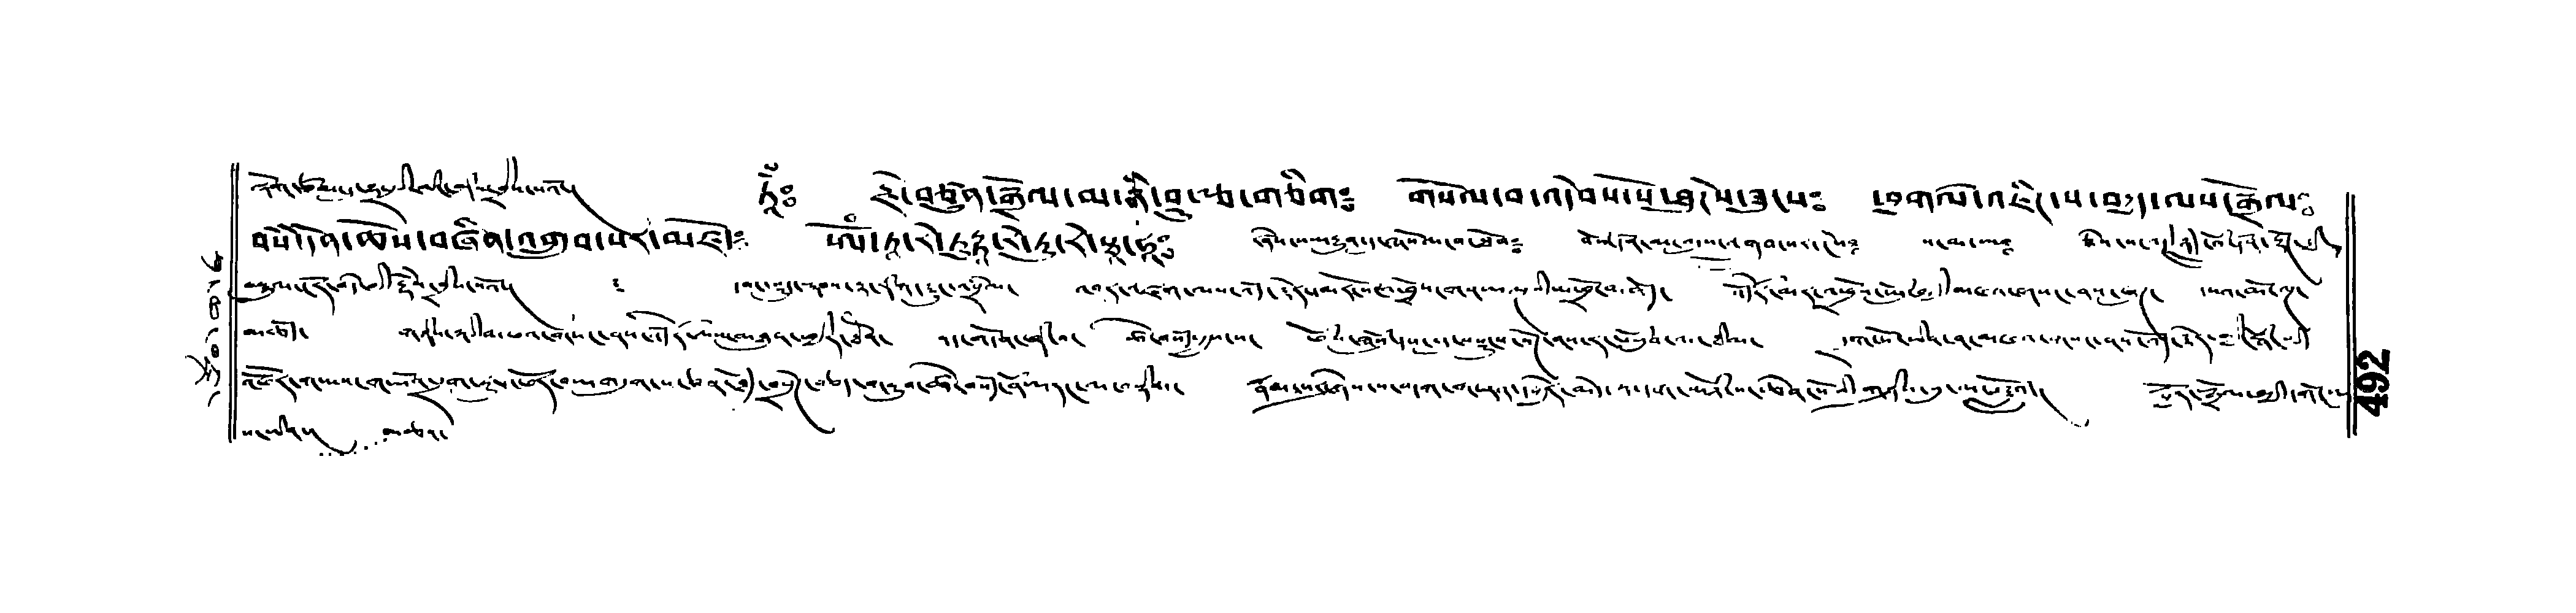ལྡོག་ཙམ་དུ་བྷ་དྲའི་མིང་གིས་བྲིས་པའོ།། ཏཱྃ༔ རྗེ་བཙུན་སྒྲོལ་མ་ཉི་ཤུ་རྩ་གཅིག༔ གསོལ་བ་འདེབས་སོ་ཐུགས་རྗེས་ཟུངས༔ ཕྱག་འཚལ་འཇིགས་པ་བརྒྱད་ལས་སྒྲོལ༔ 
བསམ་དོན་ཆོས་བཞིན་འགྲུབ་པར་མཛོད༔ ཨོཾ་ཏཱ་རེ་ཏུཏྟཱ་ཏེ་ཏུ་རེ་སྭཱ་ཧཱ༔ ཞེས་པས་རྒྱུན་དུ་གསོལ་བ་ཐོབ༔བསམ་དོན་མ་ལུས་འགྲུབ་པར་ངེས༔ ས་མ་ཡ༔ ཅེས་པ་འདི་ཉིད་བླ་མ་དོན་རྟོགས་ཀྱིས་
བསྐུལ་ངོར་བདེ་བའི་རྡོ་རྗེས་བྲིས་པའོ།། དབང་སྡུད་སྐབས་རྟ་རིག་ཟུང་འབྲེལ། འབར་འཛག་ལས་འོད་ཟེར་དམར་པོ་འཕྲོས་གནས་ལྔའི་མཁའ་འགྲོ་མཆོད། འོད་ཟེར་མར་འཕྲོས་ཡུམ་གྱི་མཁའ་གསང་ནས་ཞུགས། དཔའ་མོ་ལྔ་
མཆོད། གཉིས་ཀའི་མཁའ་གསང་ནས་འོད་ཟེར་ལས་མཐུན་ཕྱིར་ཐོན། ནད་གདོན་ཞི་བ། ཚེ་བསོད་རྒྱས་པ། ཁམས་གསུམ་དབང་དུ་སྡུད་པ་སོགས་ནས་རང་ཡབ་ཡུམ་ཐིམ། དྲག་པོ་ཡིན་ན་མཁའ་གསང་ནས་འོད་ཟེར་གྱི་རྣམ་པའི་
འཁོར་ལོར་གཡས་གཡོན་དྲག་ཏུ་འཁོར་བས་གདུག་པ་ཅན་ཐམས་ཅད་བསྲེགས་བཅད་གཏུབས་ཚེ་བསོད་རྣམས་རང་ལ་བསྟིམ། རྣམ་པར་ཤེས་པ་བདག་གཞན་དབྱེར་མེད་ཀ་དག་མཉམ་པ་ཆེན་པོའི་གཤིས་སུ་ལ་བཟླའོ། སྦྱོར་སྒྲོལ་གྱི་དགོངས་
པ་ཡིན། མཆན།